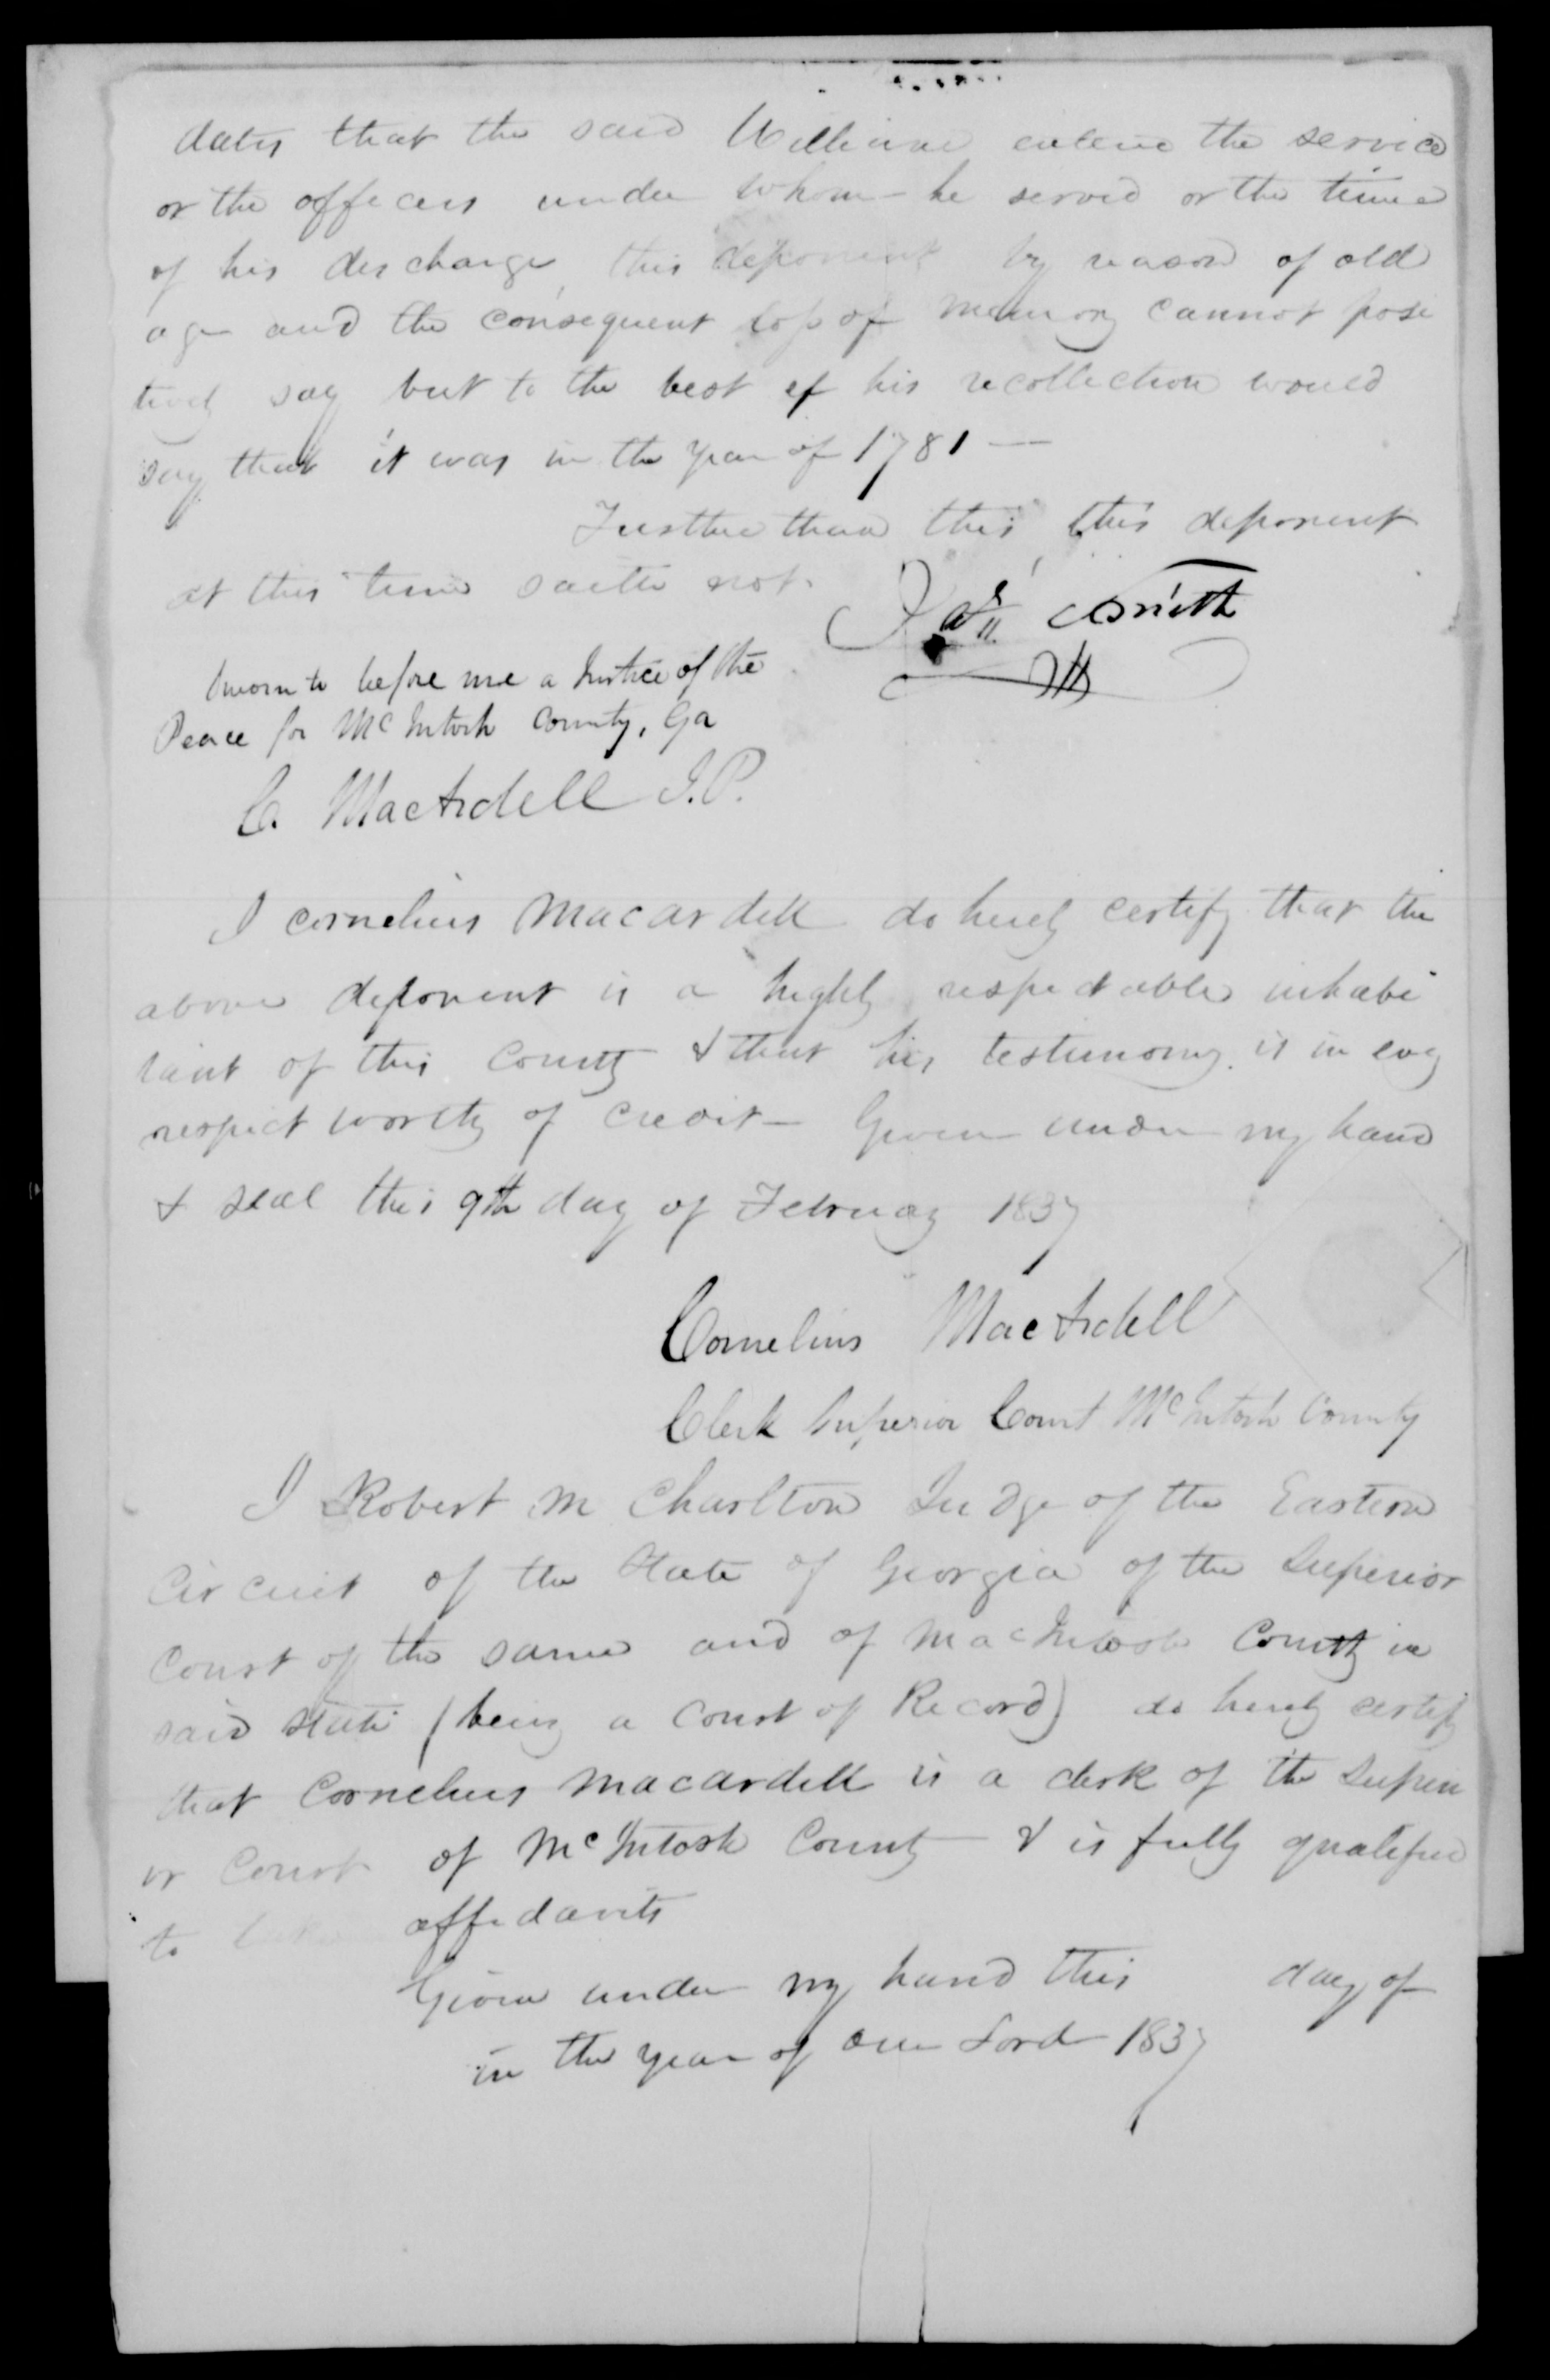dates that the said William entered the service or the officers under whom he served or the time of his discharge, this deponent by reason of old age and the consequent loss of memory cannot positively say but to the best of his recollection would say that it was the year of 1781. 
Further than this deponent at this time saith not.
Jas. Smith
Sworn to before me a Justice of the Peace for McIntosh County, Ga.
C. MacArdell J.P.

I Cornelius MacArdell do hereby certify that the above deponent is a highly respectable inhabitant of this county & that his testimony is in very respect worthy of credit. Given under my hand & seal this 9th day of February 1837
Cornelius MacArdell
Clerk Superior Court McIntosh County

I Robert M Charlton Judge of the Eastern Circuit of the State of Georgia of the Superior Court of the same and of MacIntosh County in said state (being a court of Record) do hereby certify that Cornelius MacArdell is a clerk of the Superior court of McIntosh County & is fully qualified to take affidavits.
Given under my hand this day of in the year of our Lord 1837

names: Cornelius Macardell; Robert M Charlton; Jas Smith; Cornelius Macardell; William [BLANK]; Cornelius Mac Ardell; C Mac Ardell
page: 11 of 21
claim: rejected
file: R. 9875, for William Smith, South Carolina